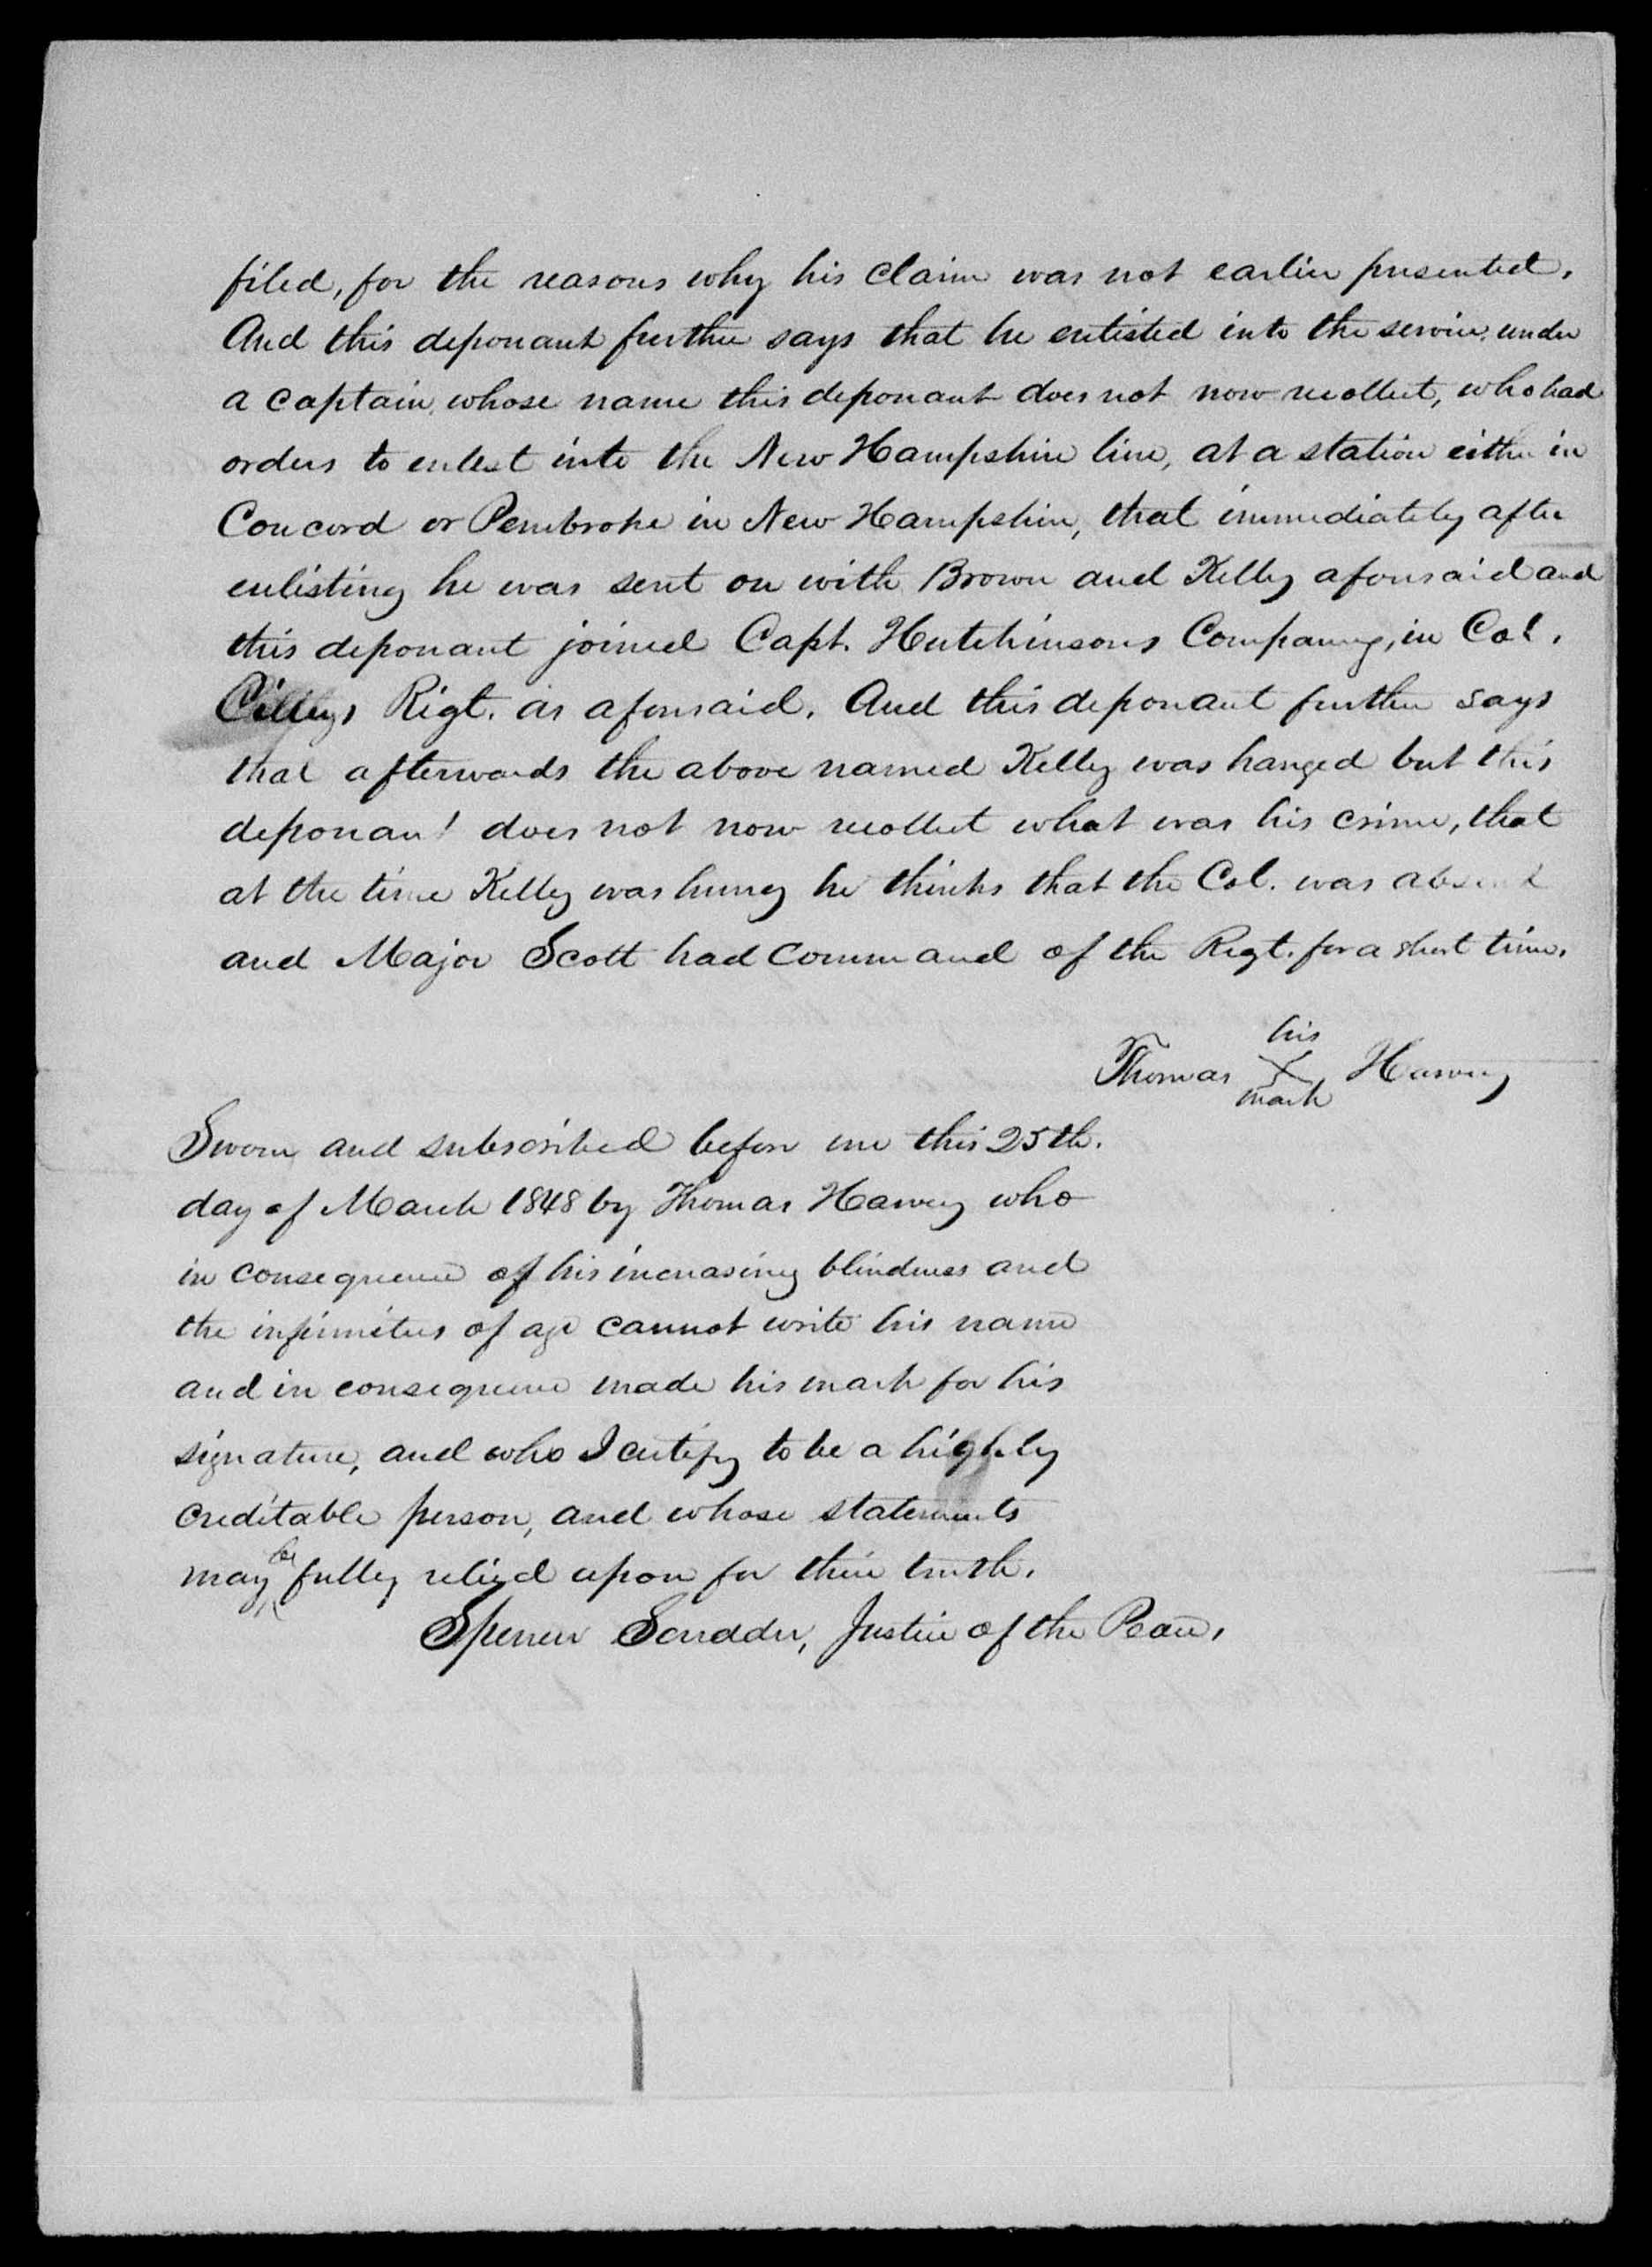filed, for the reasons why his claim was not earlier presented, And this deponant further says that he enlisted into the service, under a captain, whose name this deponant does not now recollect, who had orders to enlist into the New Hampshire line, at a station either in Concord or Pembroke in New Hampshire, that immediately after enlisting he was sent on with Brown and Kelly aforesaid and this deponant joined Capt. Hutchinsons' Company, in Col. Cilley's Regt. as aforesaid. And this deponant further says that afterwards the above named Kelly was hanged but this deponant does not now recollect what was his crime, that at the time Kelly was hung he thinks that the Col. was absent and Major Scott had command of the Regt. for a short time. 
/s/X his mark Thomas Harvey
Sworn and subscribed before me this 25th day of March 1848 by Thomas Harvey who in consequence of his increasing blindness and the infirmities of age cannot write his name and in consequence made his mark for his signature, and who I certify to be a highly creditable person, and whose statements may be fully relied upon for their truth. 
/s/Spencer Scudder, Justice of the Peace.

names: Thomas Harvey, Spencer Scudder, Brown, Kelly, Scott, Thomas Harvey, Kelly, Kelly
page: 72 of 80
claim: survivor's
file: S. 18008, Thomas Harvey, N.H.